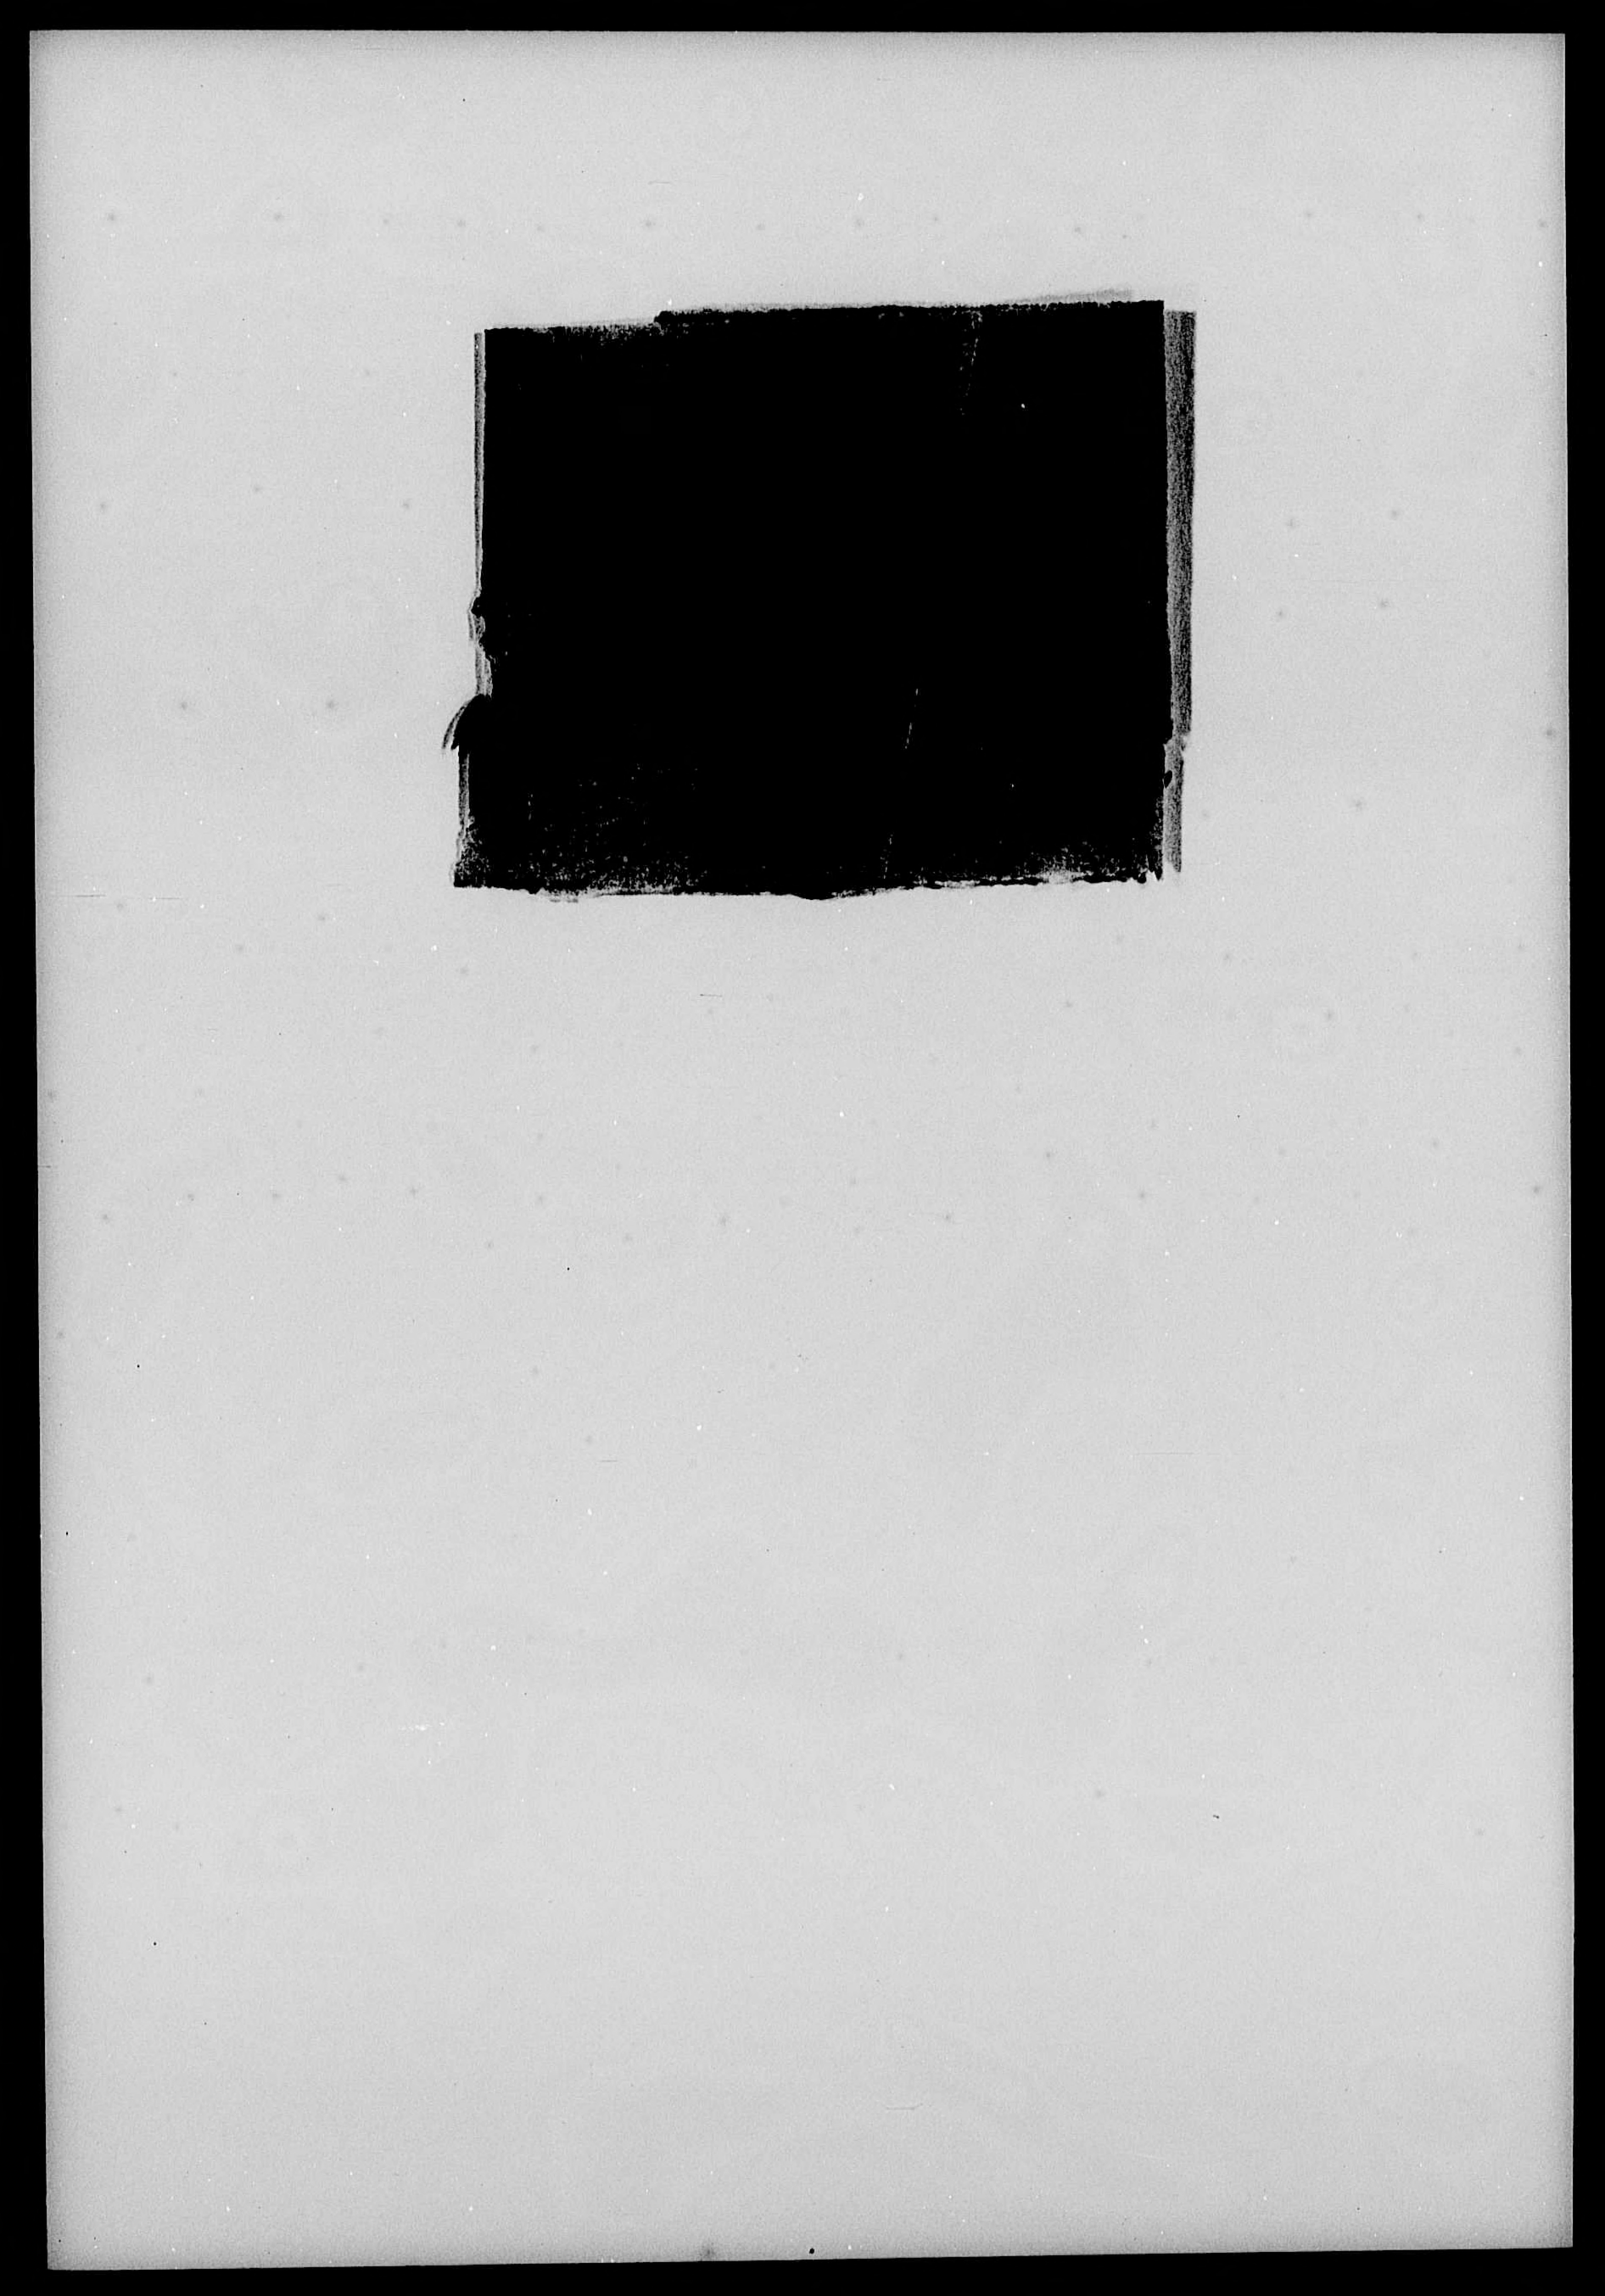[appears to be a scanned piece of paper but entirely blacked out and cannot be determined what it is]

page: 9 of 69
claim: widow's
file: W. 25562, Abijah Elwood, Conn.